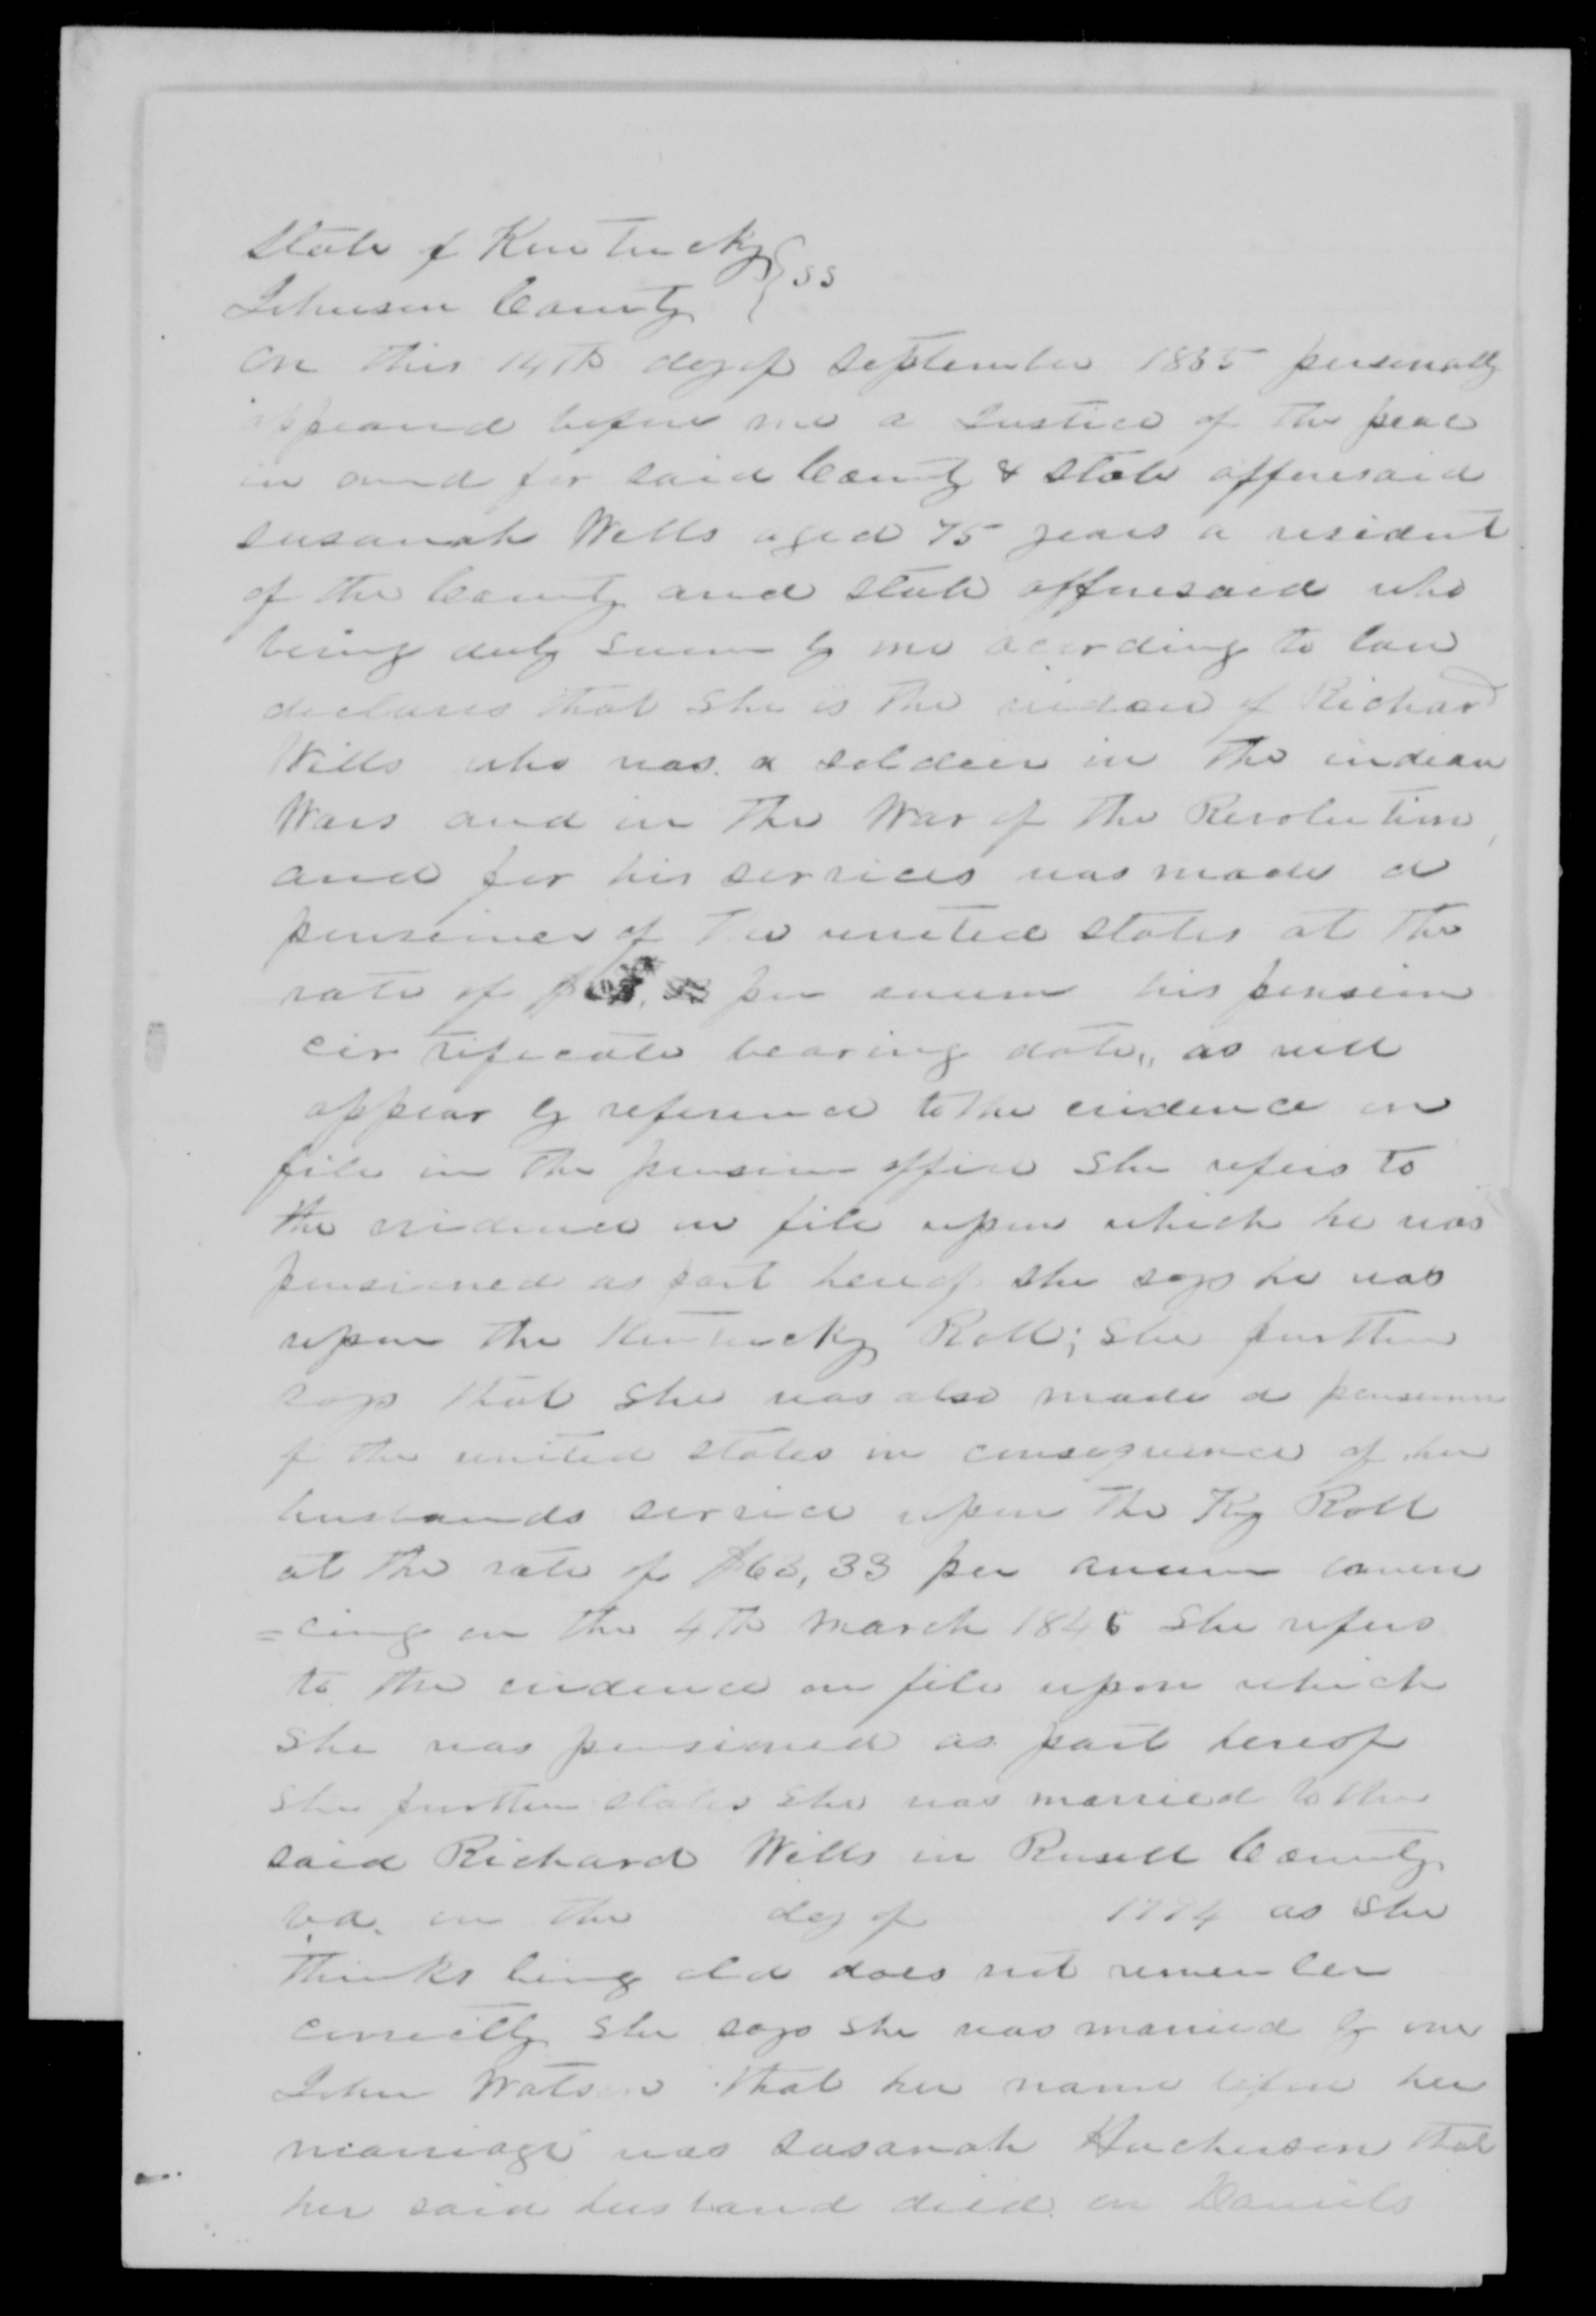State of Kentucky
Johnson County
On this 14th day of September 1835 personally
appeared before me a Justice of the peace
in and for said County & State afforesaid
Susanah Wells aged 75 years a resident
of the County and State afforesaid who
being duly sum by me according to law
declares that she is the widow of Richard
Wells who was a soldier in the Indian
Wars and in the War of the Revolution
and for his services was made a
pensioner of the United States at the
rate of 8 per anum his pension
certificate bearing date, as will
appear by reference to the evidence in
file in the pension office she refers to
the evidence on file upon which he was
pensioned as part hereof she says he was
upon the Kentucky Roll; she further
says that she was also made a pension
of the United States in consequence of her
husbands service upon the Roll
at the rate of $60.33 per anum covering in the 4th March 1846 she refers
to the evidence on file upon which
she was pensioned as part hereof
she further states she was married to this
said Richard Wells in Russell County
be in the ? day of ? 1794 as she
thinks being old does not remember
correctly she says she was married to
John Watson that her name before her
marriage was Susanah Hucherson that
her said husband died on Daniels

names: Richard Wills, Susanah Wells, John Wats, Susanah Hucherson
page: 12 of 100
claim: widow's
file: W. 6437, Richard Wells, Ga Va.